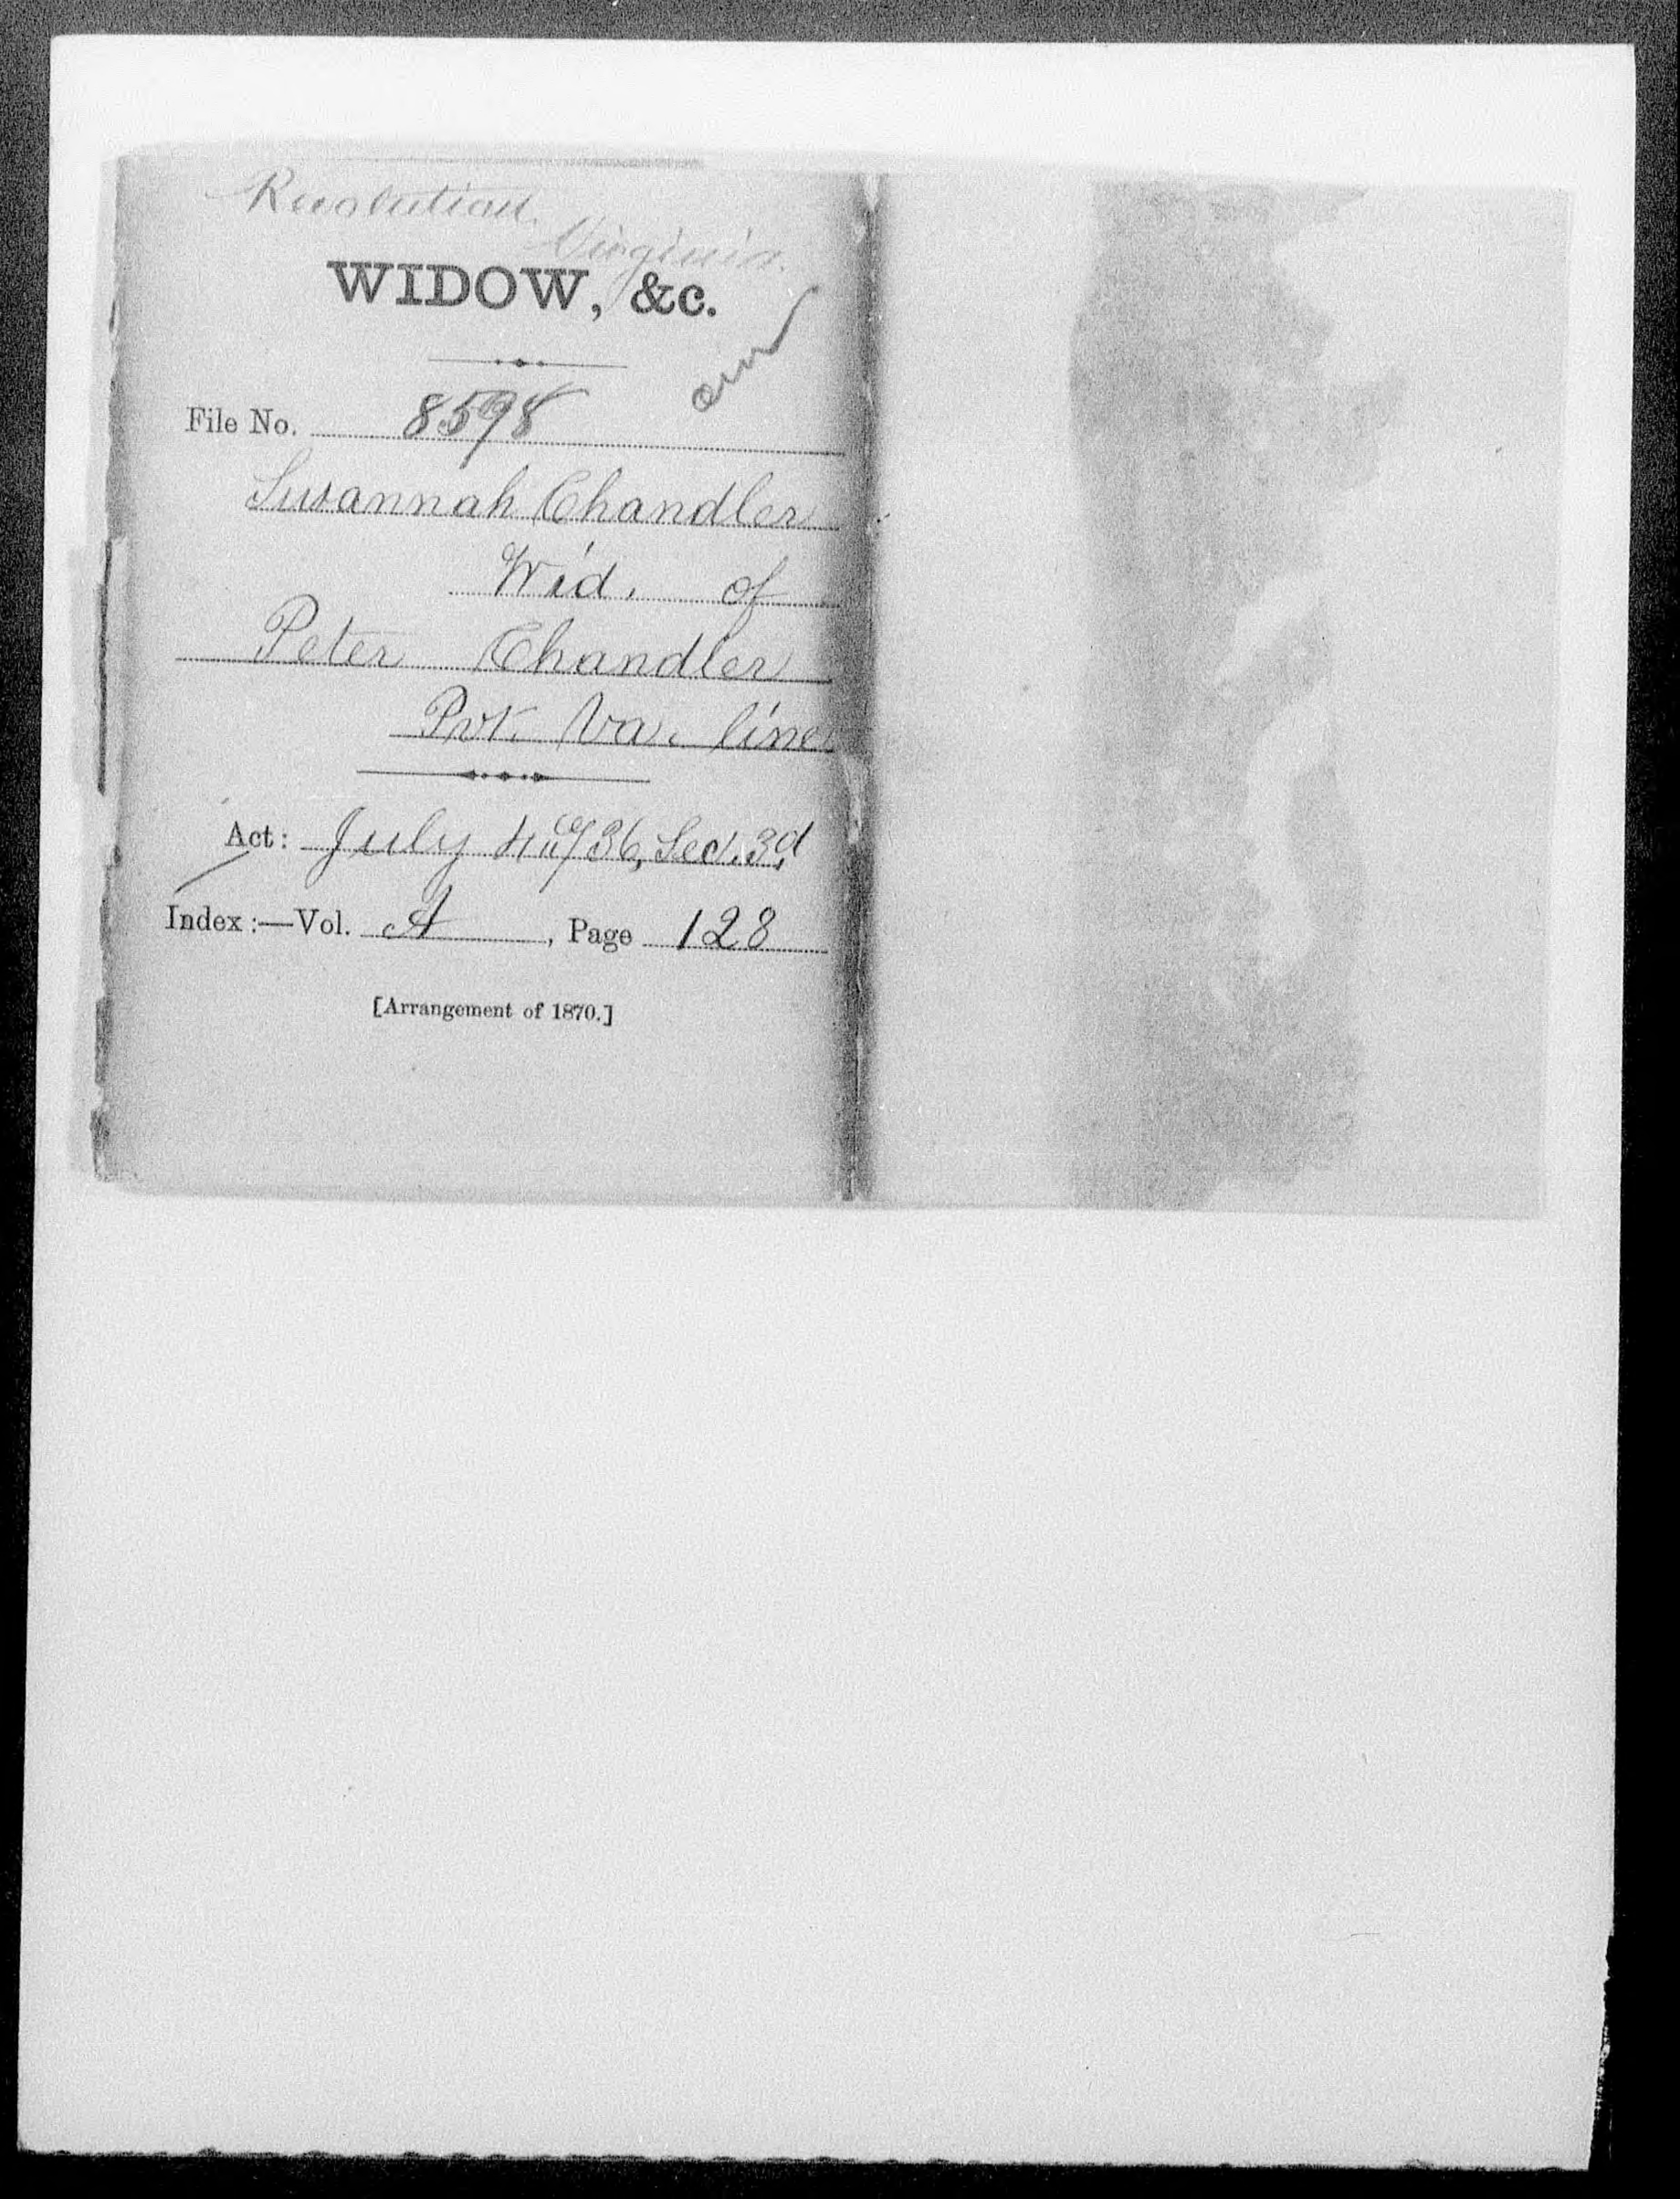Revolution,
               Virginia
File No.  8598
   Susannah Chandler
      Wid. of
Peter Chandler
      Pvt. Va. Line
Act  July 4th ’36 Sec. 3rd

Index:- Vol A  Page 128

 (arrangement of 1870)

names: Susannah Chandler, Peter Chandler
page: 7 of 12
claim: widow's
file: W. 8598, Robert Chandler, Va.